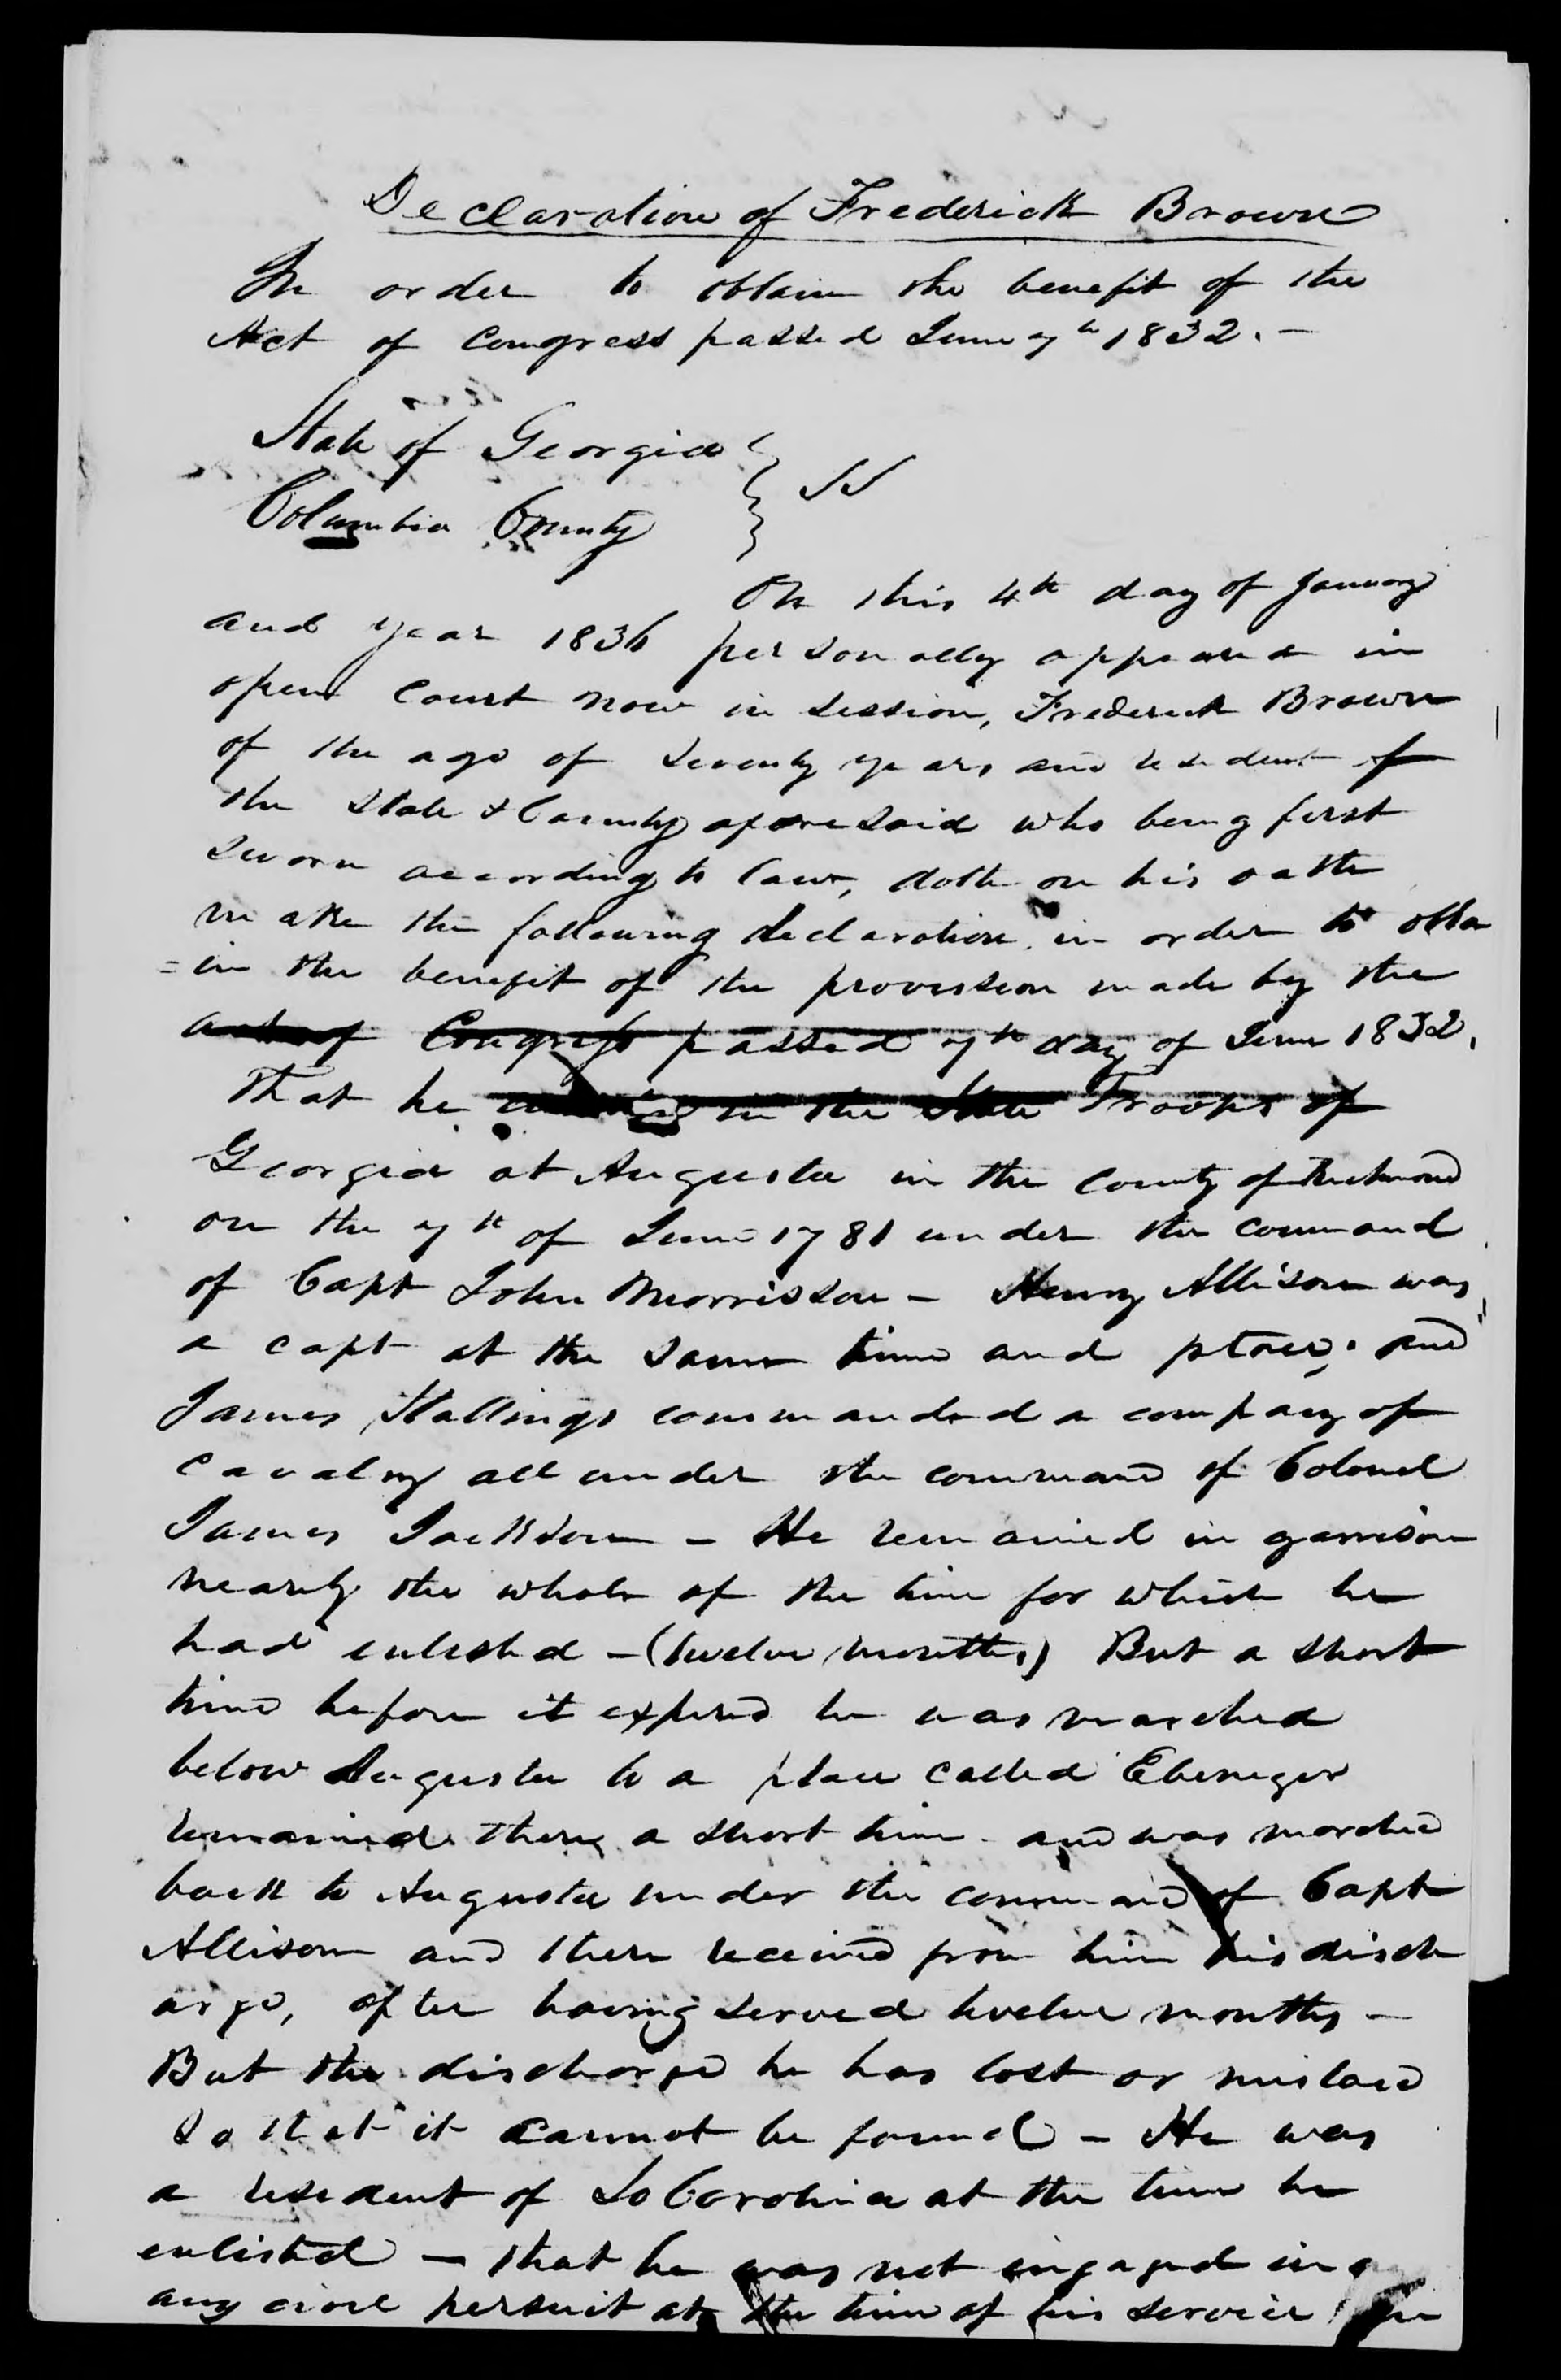Declaration of Frederick Brown In order to obtain the benefit of the Act of Congress passed June 7th 1832. - State of Georgia Columbia County} √√ On this 4th day of January and year 1836 personally appeared in open court now in session, Frederick Brown of the age of seventy years and resident of the state & County afore said who being first sworn according to law, doth on his oath make this following declaration, in order to [unreadable] in the benefit of the provision made by the act of congress passed 7th day of June 1832, that he (served) in the State Troops of Georgia at Augusta in the County of Richmond on the 7th of June 1781 under the command of Capt John Morrisson - Henry Allison was a capt at the same time and place and James Stallings commanded a company of cavalry all under the command of Colonel James Jackson. He remained in garrison nearly the whole of the time for which he had enlisted - (twelve months) But a short time before it expired he was marched below August to a place called Ebenezer [unreadable] there a short time and was marched back to August under the command of Capt Allison and there received from him his discharge after having served twelve months. But the discharge was lost or mislaid so that it cannot be found. He was a resident of So Carolina at the time he enlisted - that he was not engaged in any more persuit at the time of his service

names: Frederick Brown, James Jackson, Frederick Brown, James Stallings, Allison, John Morrisson, Henry Allison, Ebenezer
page: 4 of 11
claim: survivor's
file: S. 31,576, Frederick Brown, Ga.